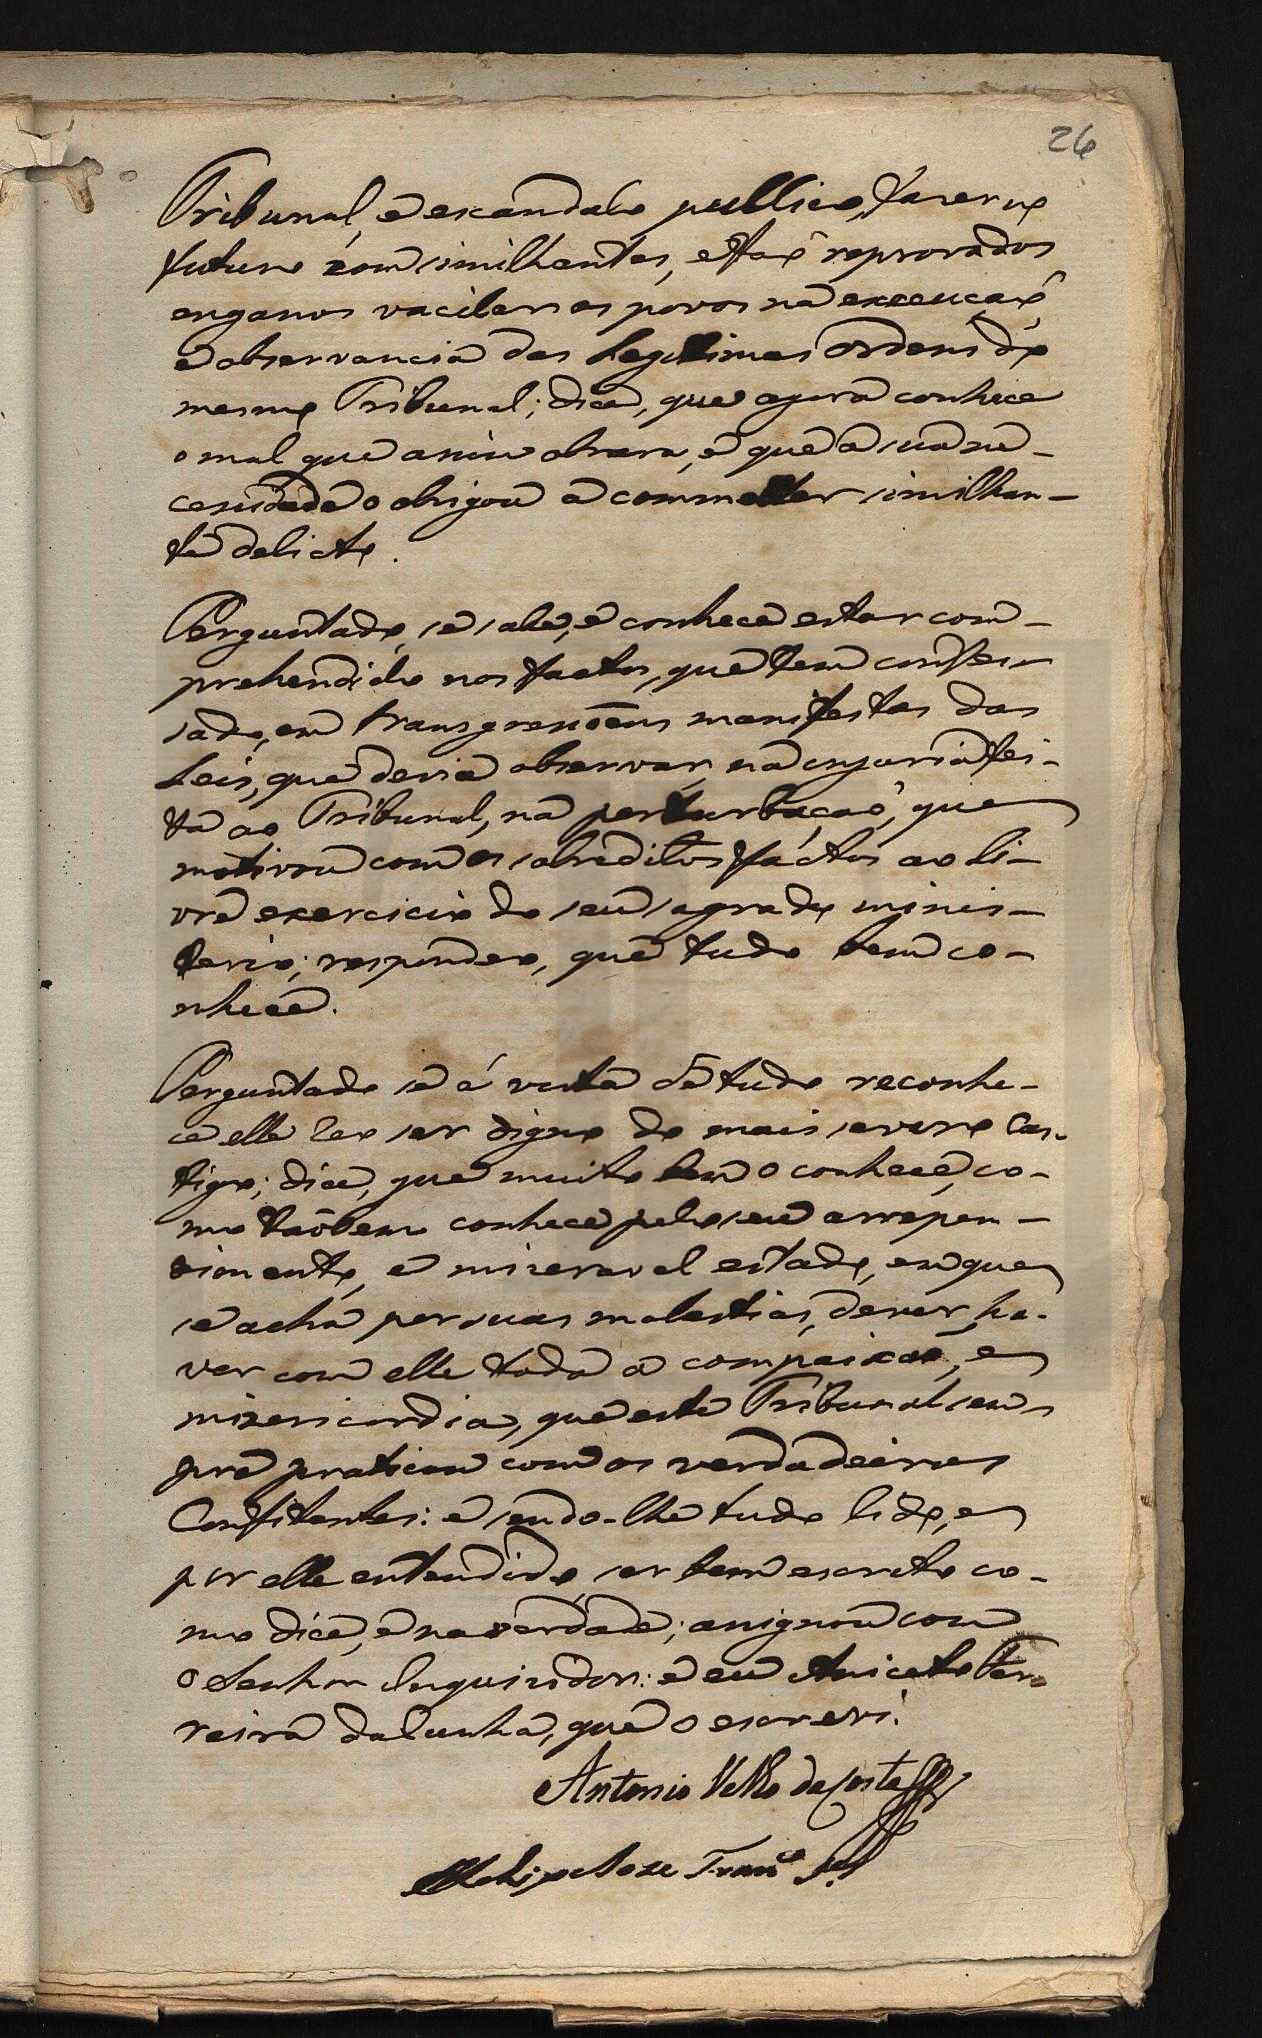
Tribunal, e escandalo publico, fazer no
futuro com similhantes, e taõ reprovados
enganos vacilan os povos na execuçaõ,
e observancia das Legi_imas ordens do
mesmo Tribunal; dice, que agora conhece
o mal que assim obrara, e que a sua ne
cessidade o obrigou a comme_ter similhan
te delicto.
Perguntado, se sabe, e conhece estar com
prehendido nos factos, que tem confes
sado, em transgressõens manifestas das
Leis, que devia observar, na enjuria fei
ta ao Tribunal, na perturbaçaõ, que
motivou com os sobreditos factos ao Li
vre exercicio do seu sagrado minis
terio; respondeo, que tudo bem co
nhece.
Perguntado se á vista de tudo reconhe
ce elle Reo ser digno do mais severo cas
tigo; dice, que muito bem o conhece, co
mo taõbem conhece pelo seu arrepen
dimento, e mizeravel estado, em que
se acha per suas molestias, dever ha
ver com elle toda a compaixaõ, e
mizericordia, que este Tribunal sem
pre praticou com os verdadeiros
Confitentes: e sendo-lhe tudo lido, e
por elle entendido, ser bem escrito co
mo dice, e na verdade; assignou com
o Senhor Inquizidor: e eu Aniceto Fer
reira da Cunha. que o escrevi.
